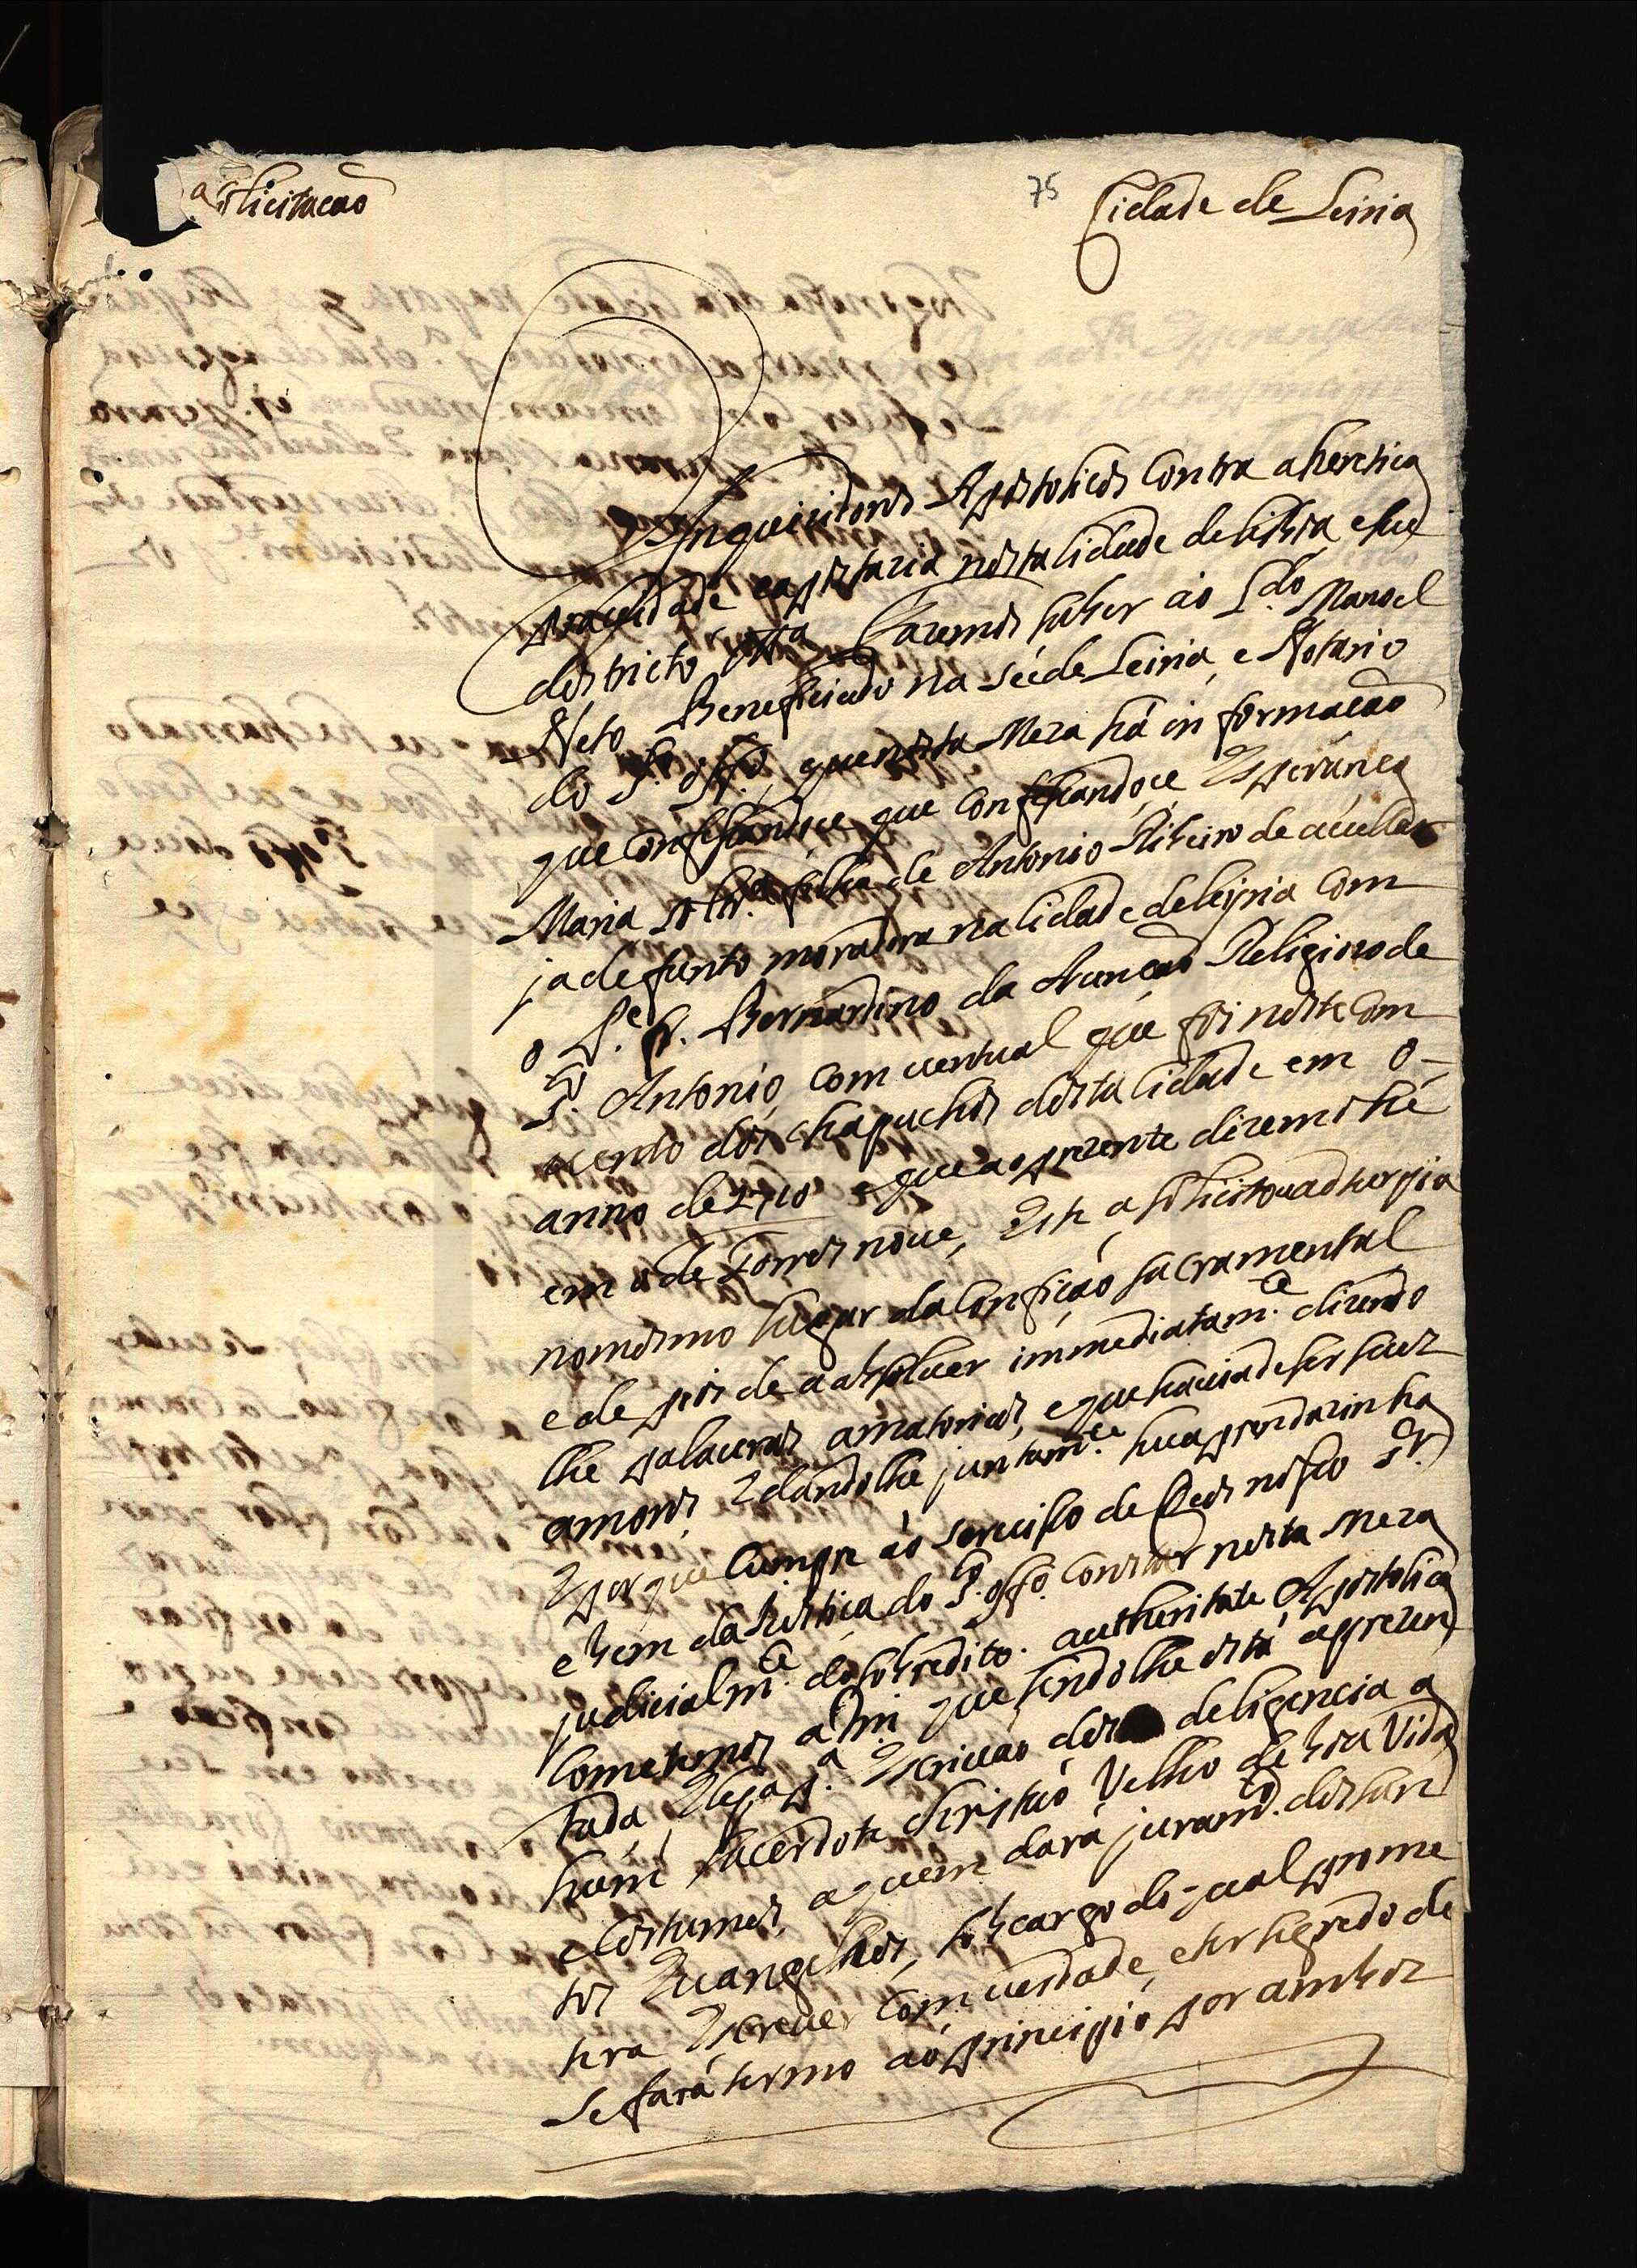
a_olicitaçaõ
Cidade de Leiria
Os Jnquizidores Apotolicos contra a hertica
Prauidade e apostazia nesta Cidade de Lisboa e seu
destricto etta Fazemos saber ao L.do Manoel
Neto Beneficiado na seé de Leiria e Notario
do Sto off.o que desta Meza há informaçaõ
que confessandoçe que confessandoçe Esperánça
Maria soltr.a filha de Antonio Ribeiro de auellar
ja defunto moradora na Cidade de leyria com
o P.e fr. Bernardino da Asunção Religiozo de
S.to Antonio, com uentual que foi neste com
uento dos chapuchos desta Cidade em o
anno de 1710 o que ao prezente dizem o hé
em o de Torres noue, Este a solicitou ad turpia
no mesmo lugar da Confiçaõ sacramental
e depois de a absoluer immediatam.te dizendo
lhe palavras amatorias, e que hauia de ser seuz
amores, zelandolhe juntam.te hua prendazinha
E porque cumpre áo seruisso de Deos nosso s.or
e bem da Iustiça do s.to offo. constar nesta meza
judicialm.te do sobredito. authoritate Apostolica
Cometemos adm que sendolhe esta aprezen
tada Eleja p.a Escriuaõ des_ deligencia a
hum sacerdote christaõ Velho de boa Vida
e Costumes, a quem dará juram.to dos san
tos Euangelhos, sobcargo do qual prome
tera Escreuer com uerdade, e ter segredo de
se fará termo ao principio por amboz
